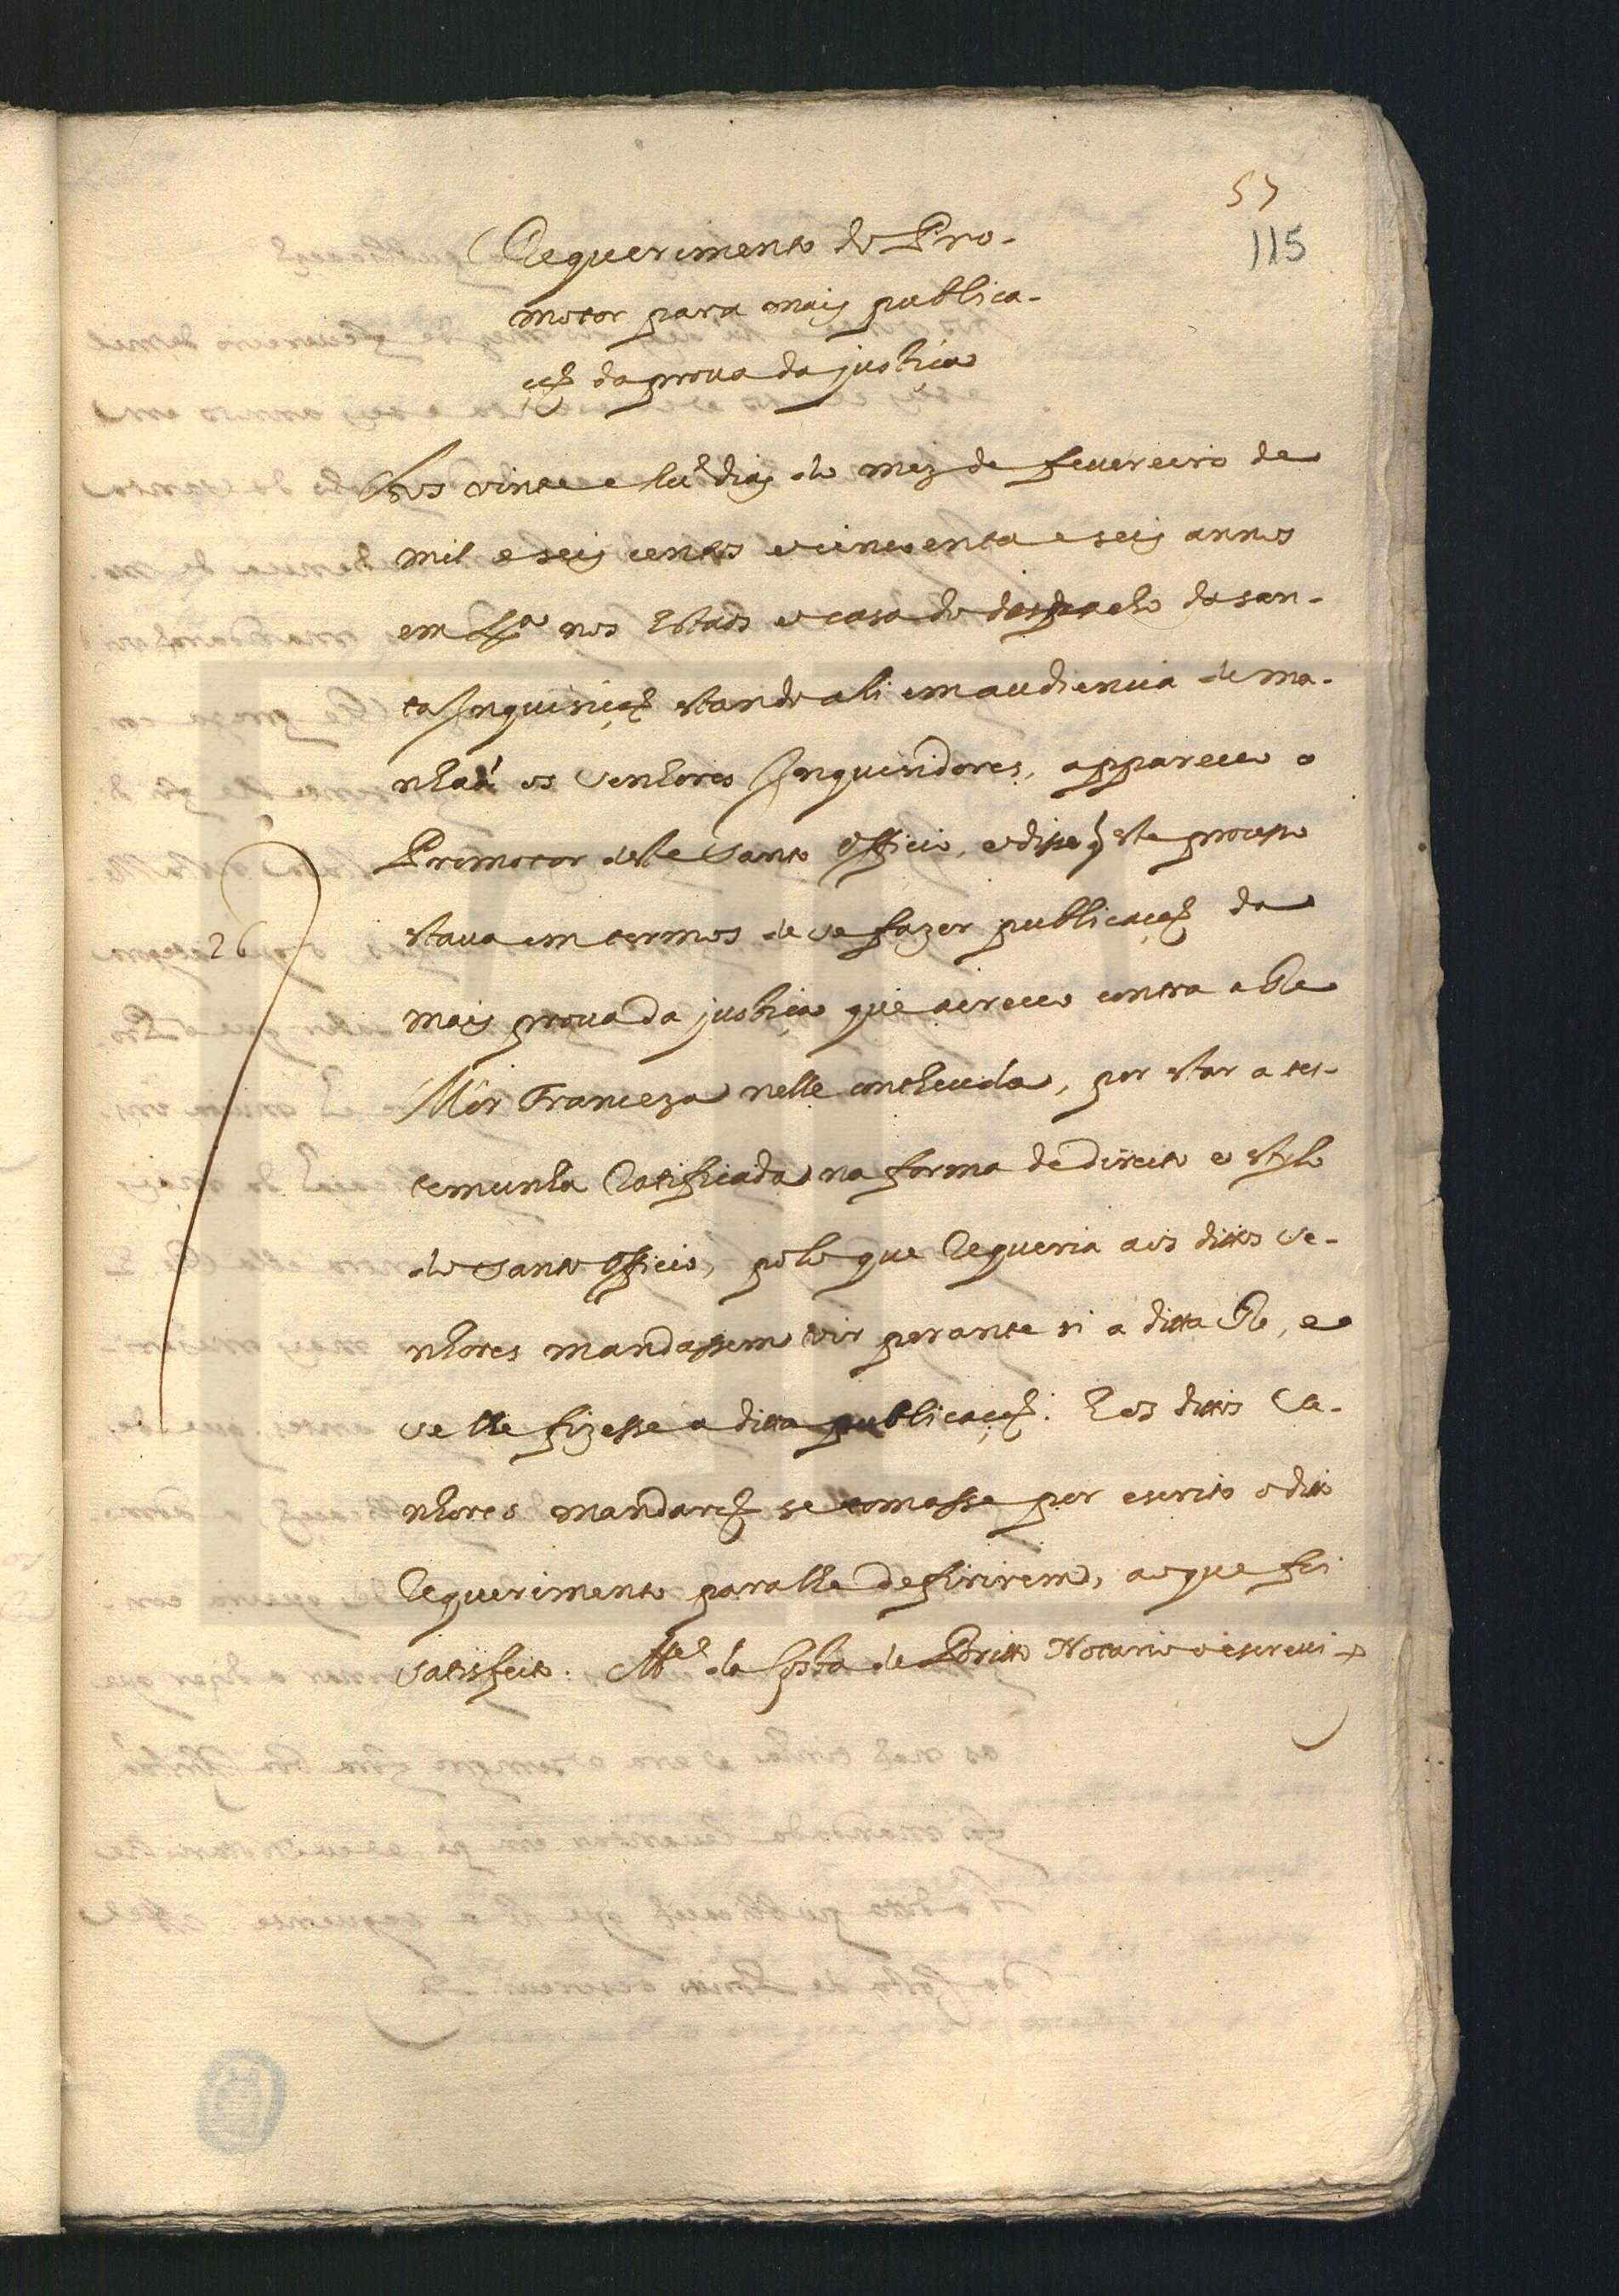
Requerimento do Pro
motor para mais publica
çaõ da proua da justiça
Aos vinte e hū dias do mes de feuereiro de
mil e seiscentos e cincoenta e seis annos
em Lxa nos Estaos e casa do despacho da san
ta Jnquisiçaõ estando ahi em audiencia de ma
nhaã os senhores Jnquisidores, appareceo o
Promotor deste santo officio, e disse q̄ este processo
estaua em termos de se fazer publicaçaõ da
mais proua da justiça que acreceo contra a Re
Mór Franceza nelle contheuda, por estar a tes
temunha Ratificada na forma de direito e estylo
do santo officio, polo que Requeria aos dittos se
nhores mandassem vir perante si a ditta Re, e
se lhe fizesse a ditta publicaçaõ: E os dittos se
nhores mandaraõ se tomasse por escrito o ditto
Requerimento para lhe defirirem, ao que foi
satisfeito. Mel da Costa de Britto Notario o escreui
